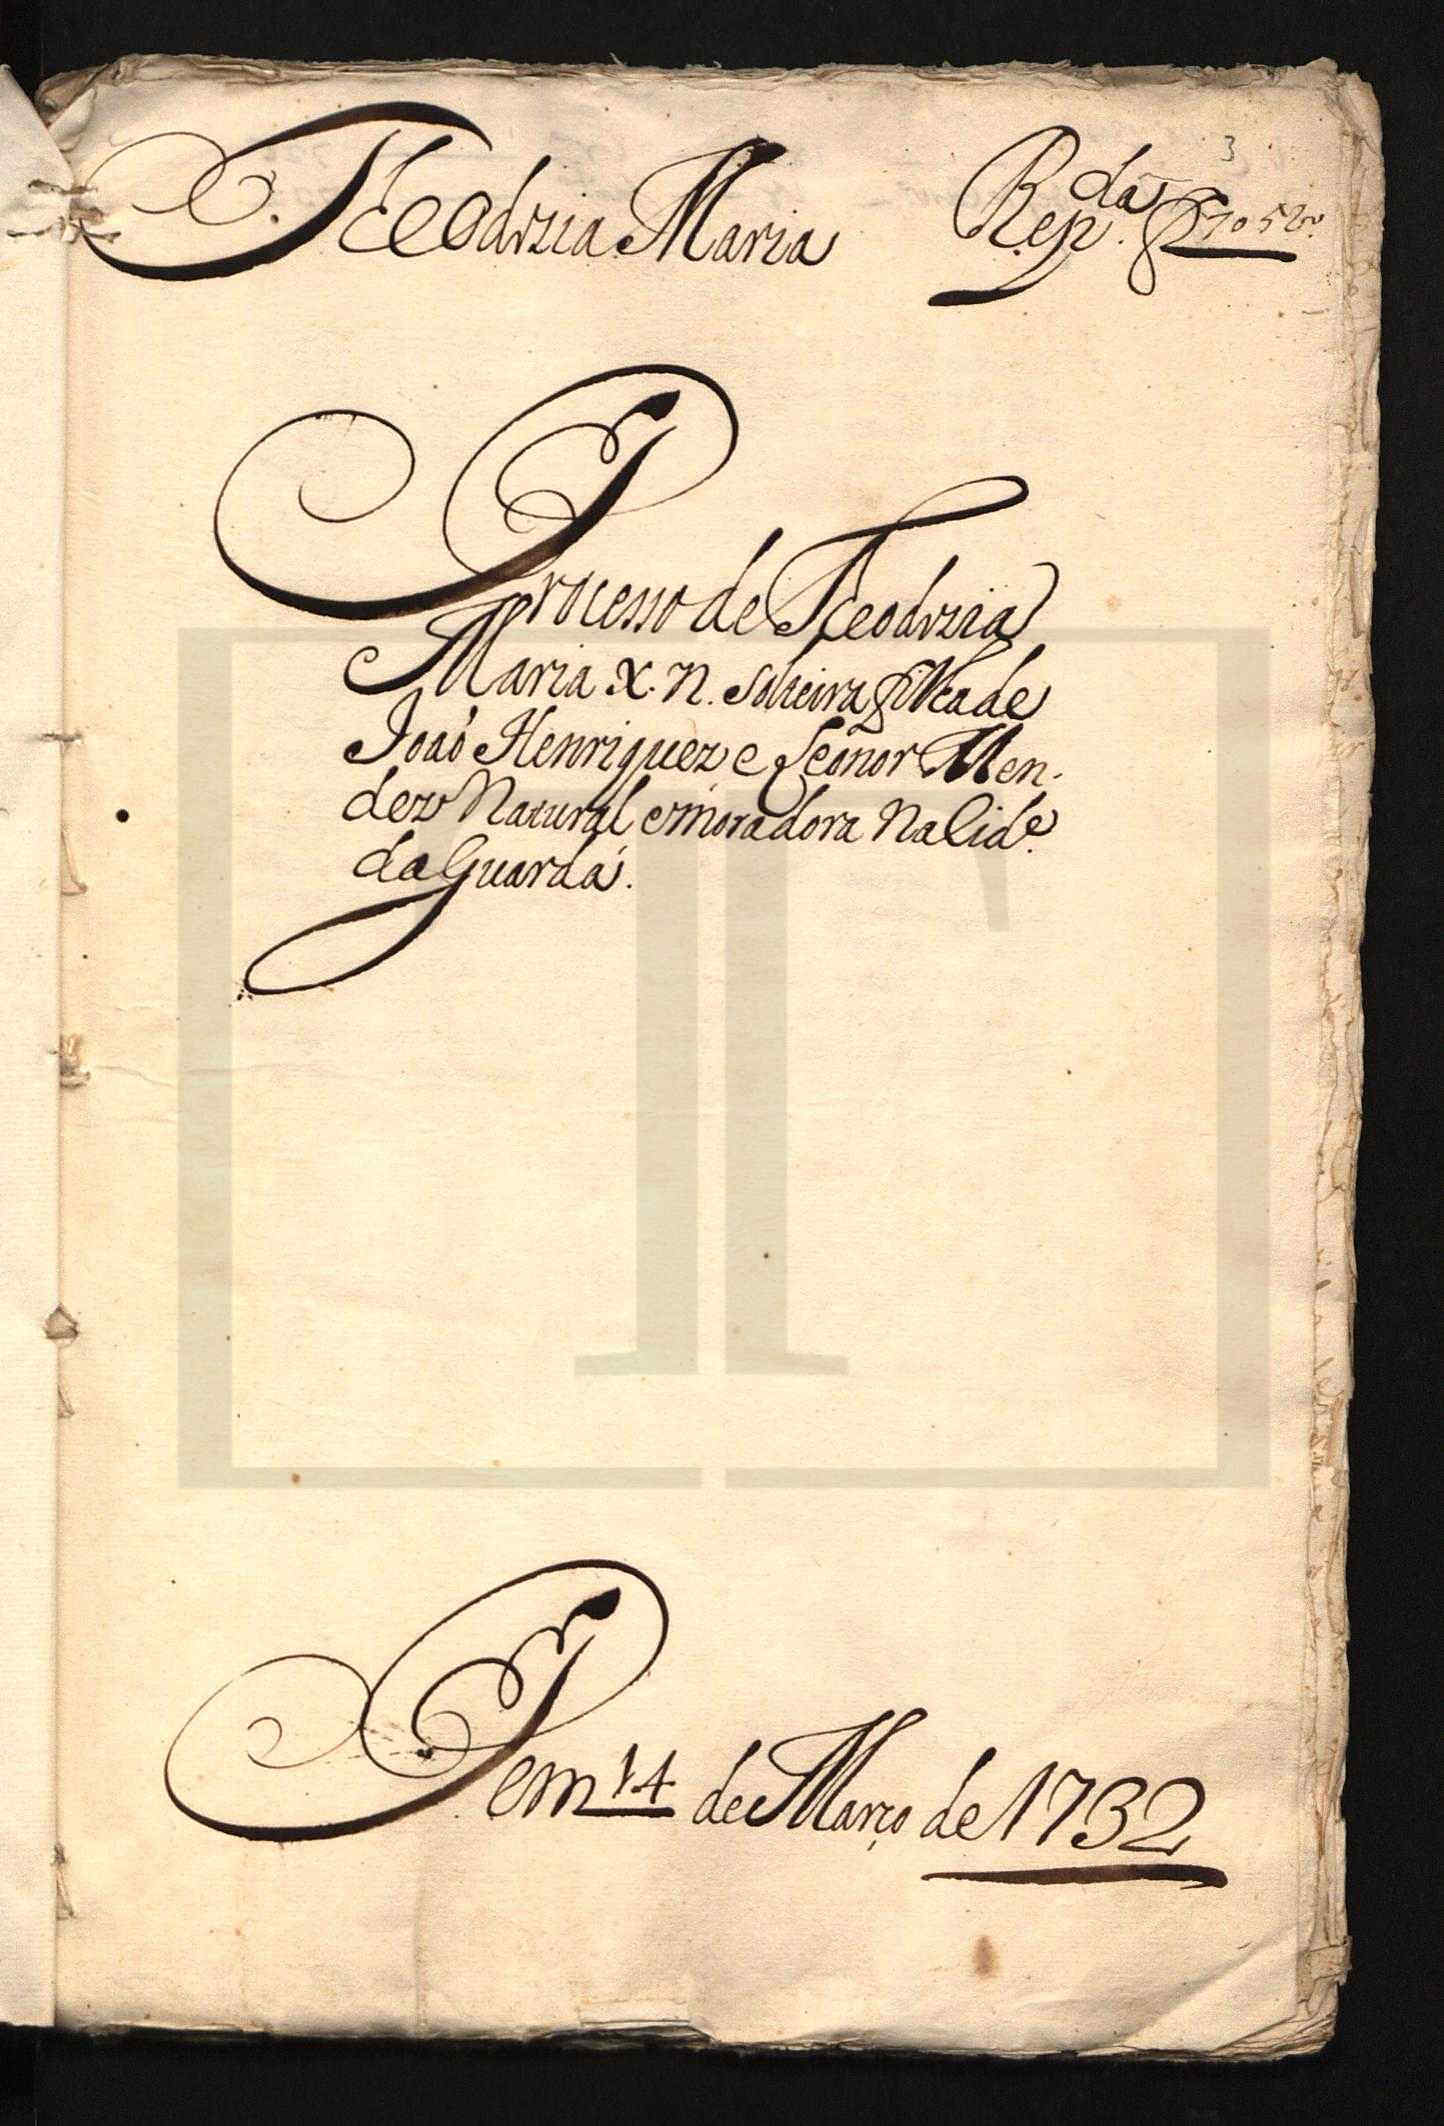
Rep.da fl70520
Theodizia Maria
processo de Theodizia
Maria x. n. solteira filha de
Ioaõ Henriquez, e Leonor Men
dez Natural, e moradora na Cid.e
da Guarda.
em 14 de Março de 1732
